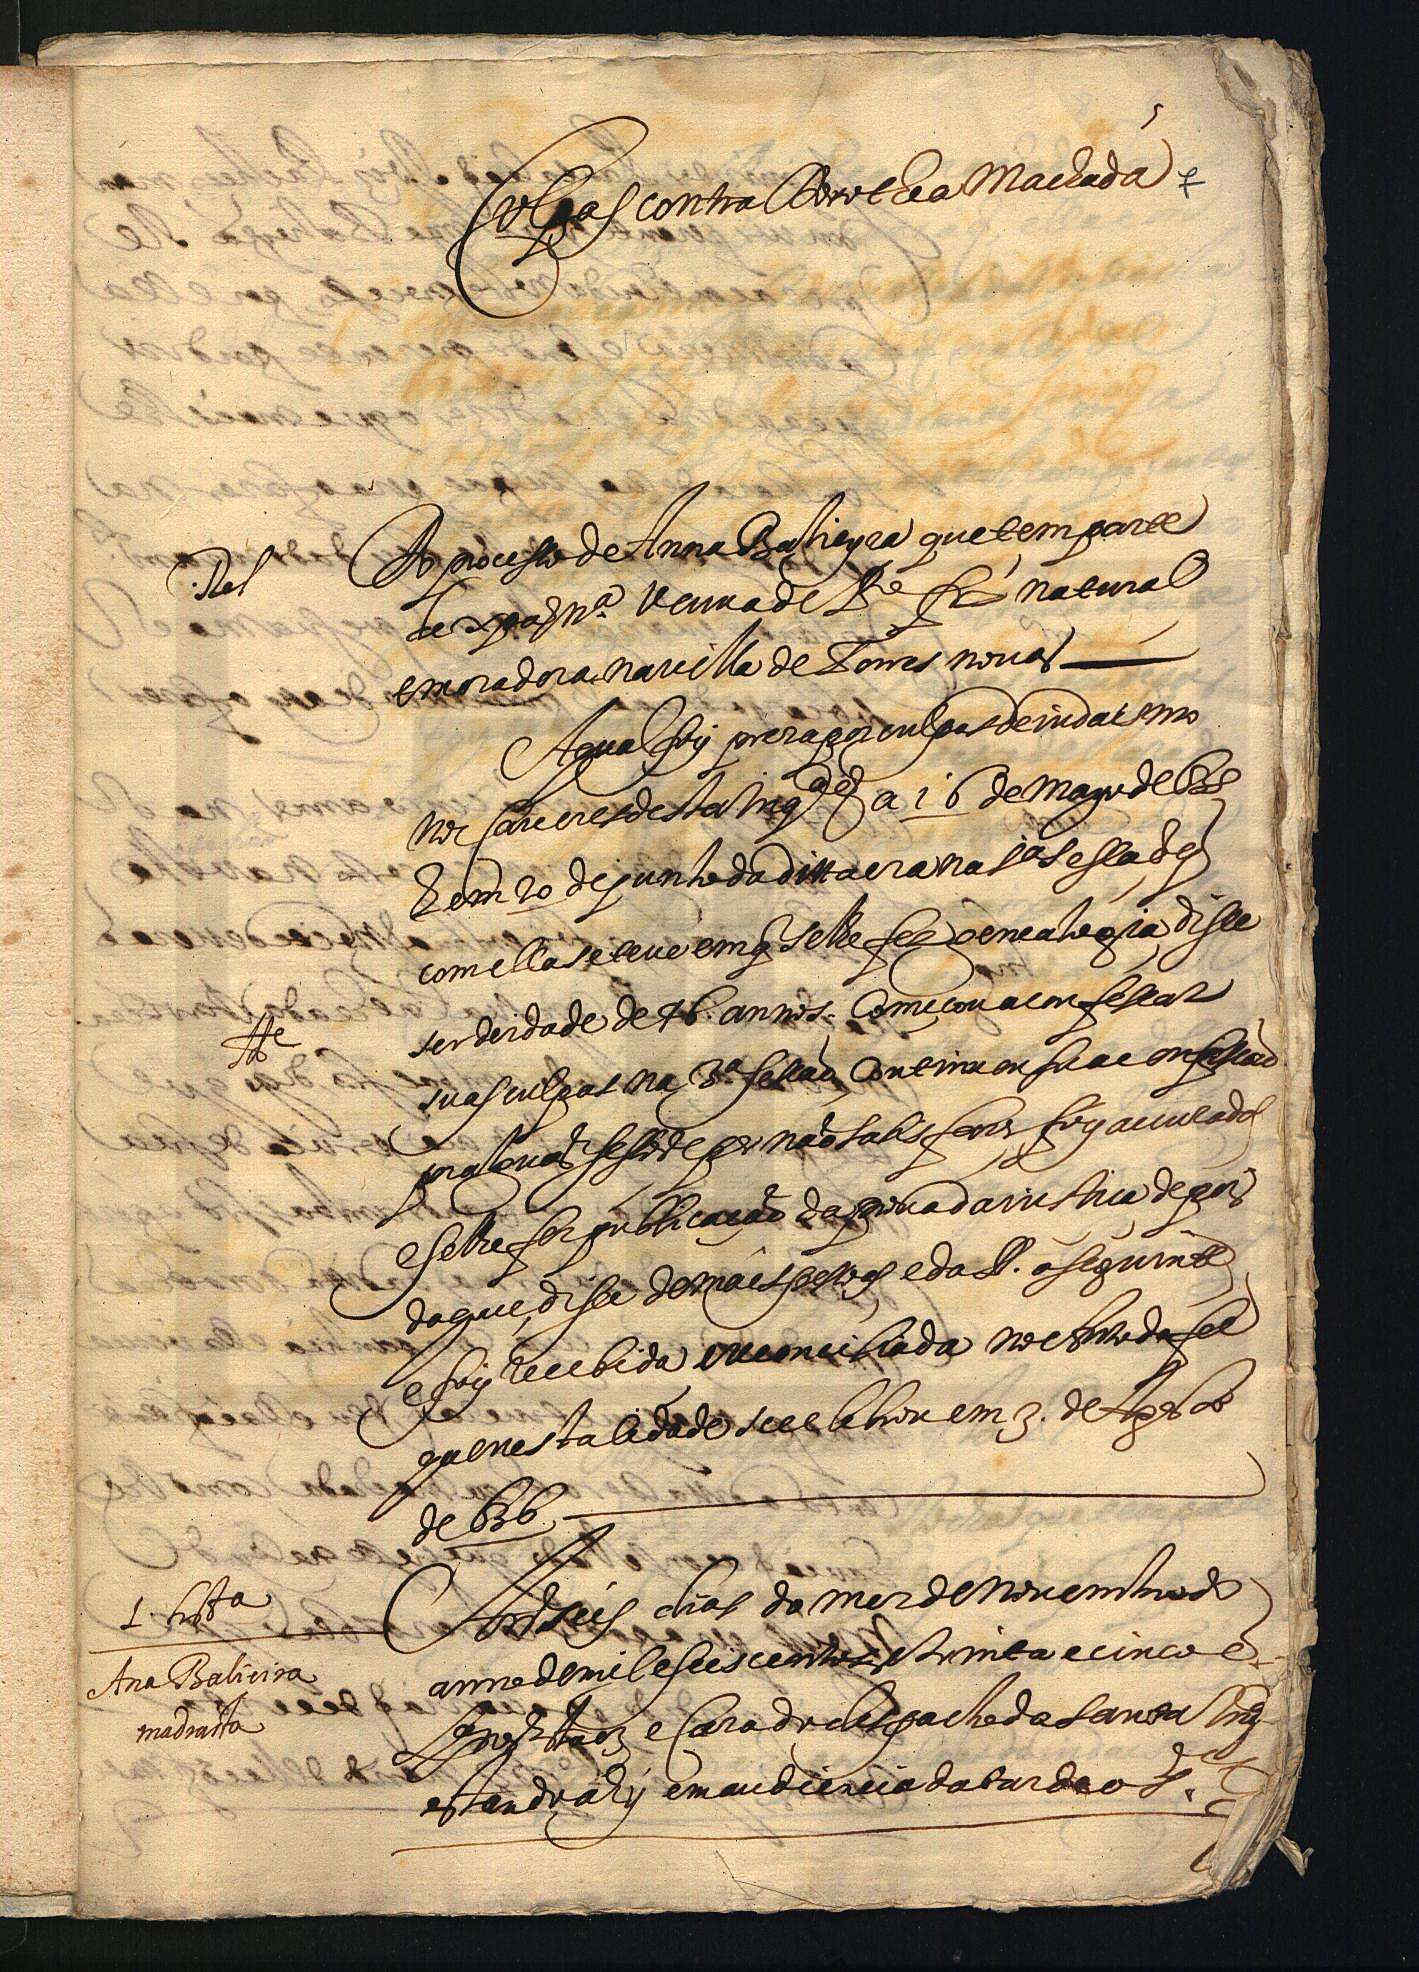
Cvlpas contra Dorothea Machada
Do processo de Anna Balieyra que tem parte
de xpā n.a Veuua de Po frz̄ natural
e moradora na villa de Torres nouas
A qual foy preza por culpas de iudaismo
nos Carceres desta Inqcão a i6 de Mayo de 635
E em 20 de junho da ditta era na ia sessaõ, q̄
com ella se teue em q̄ se lhe fez genealogia, disse
ser de idade de 46. annos. começou a confessar
suas culpas na 3.a sessão, continuou sua confissão
por alguas̄ sessoẽs e por naõ satisfazer, foy accuzada
e se lhe fez publicação da proua da iustiça, depois
do que, disse de maês pessoas, e da R. o seguinte,
e foy recebida, e reconciliada no Auto da fee
que nesta cidade se celebrou em 3. de Agosto
de 636
Aos seis dias do mez de nouembro do
anno de mil e seiscentos e trinta e cinco ē
Lxa nos Estaoz e Caza do despacho da santa Inqca
estando ahy em audiencia da tarde o sor.
